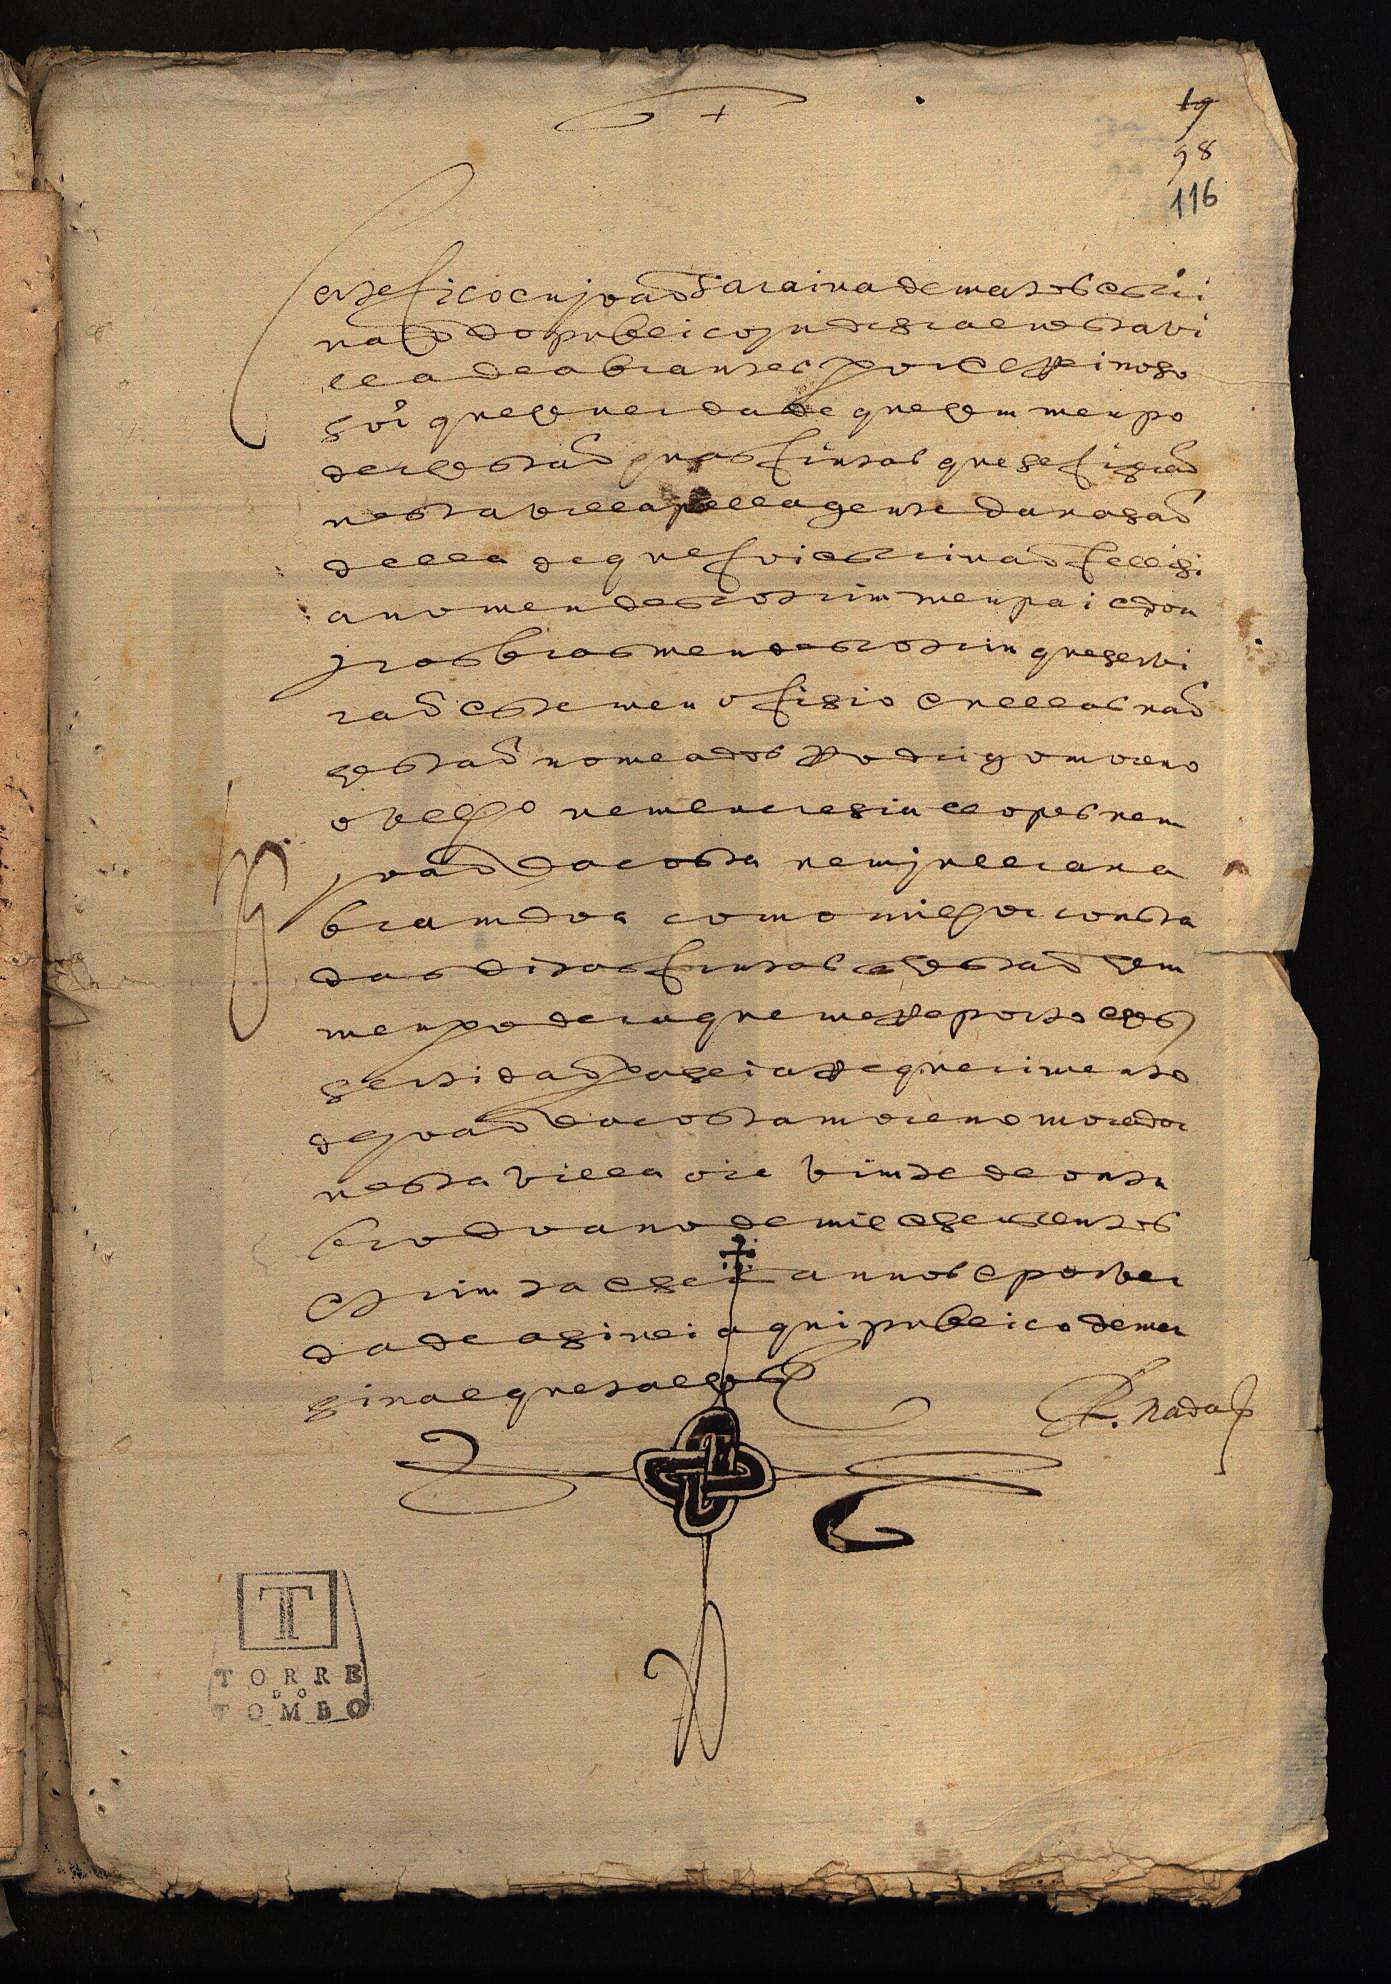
Certefico eu joão saraiua de matos escri
uaõ do publico judisial nesta vi
lla de abrantes por el Rei noso
sor̄ que he uerdade que hem meu po
der hestaõ huas fintas que se fizerão
nesta villa pella gente da nasão
della de que foi escriuaõ fellisi
ano mendes cotrim meu pai e dou
tras bras mendes cotrin que servi
raõ este meu ofisio e nellas naõ
hestaõ nomeados Rodrigo moreno
o velho nem lucresia llopes nem
joão da costa nem julliana
bramdoa como milhor consta
das ditas fintas que hestaõ hem
meu poder a que me Reporto e hes
sertidaõ pasei a Requerimento
de joaõ da costa moreno morador
nesta villa oie vimte de outu
bro do ano de mil e seiscentos
e trimta e seis annos e por ver
dade asinei aqui publico de meu
sinal que tal he
